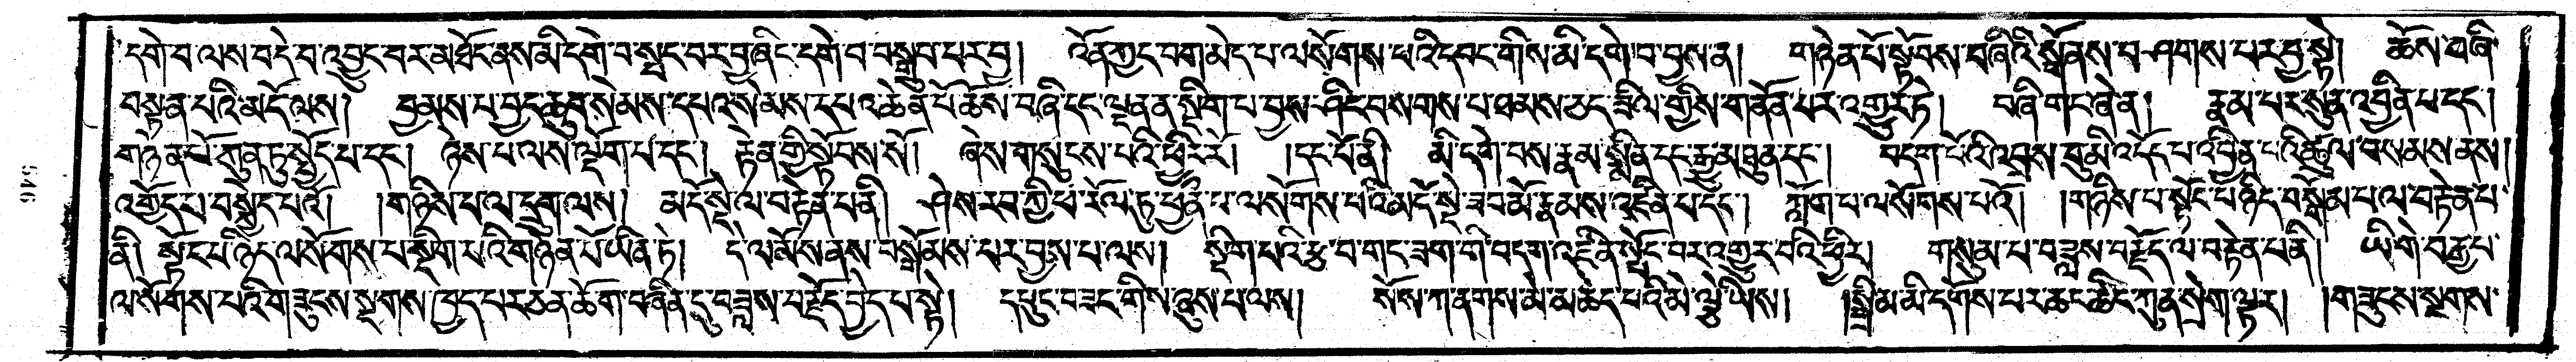དགེ་བ་ལས་བདེ་བ་འབྱུང་བར་མཐོང་ནས་མི་དགེ་བ་སྤང་བར་བྱ་ཞིང་དགེ་བ་བསྒྲུབ་པར་བྱ། འོན་ཀྱང་བག་མེད་པ་ལ་སོགས་པའི་དབང་གིས་མི་དགེ་བ་བྱས་ན། གཉེན་པོ་སྟོབས་བཞིའི་སྒོ་ནས་བཤགས་པར་བྱ་སྟེ། ཆོས་བཞི་
བསྟན་པའི་མདོ་ལས། བྱམས་པ་བྱང་ཆུབ་སེམས་དཔའ་སེམས་དཔའ་ཆེན་པོ་ཆོས་བཞི་དང་ལྡན་ན་སྡིག་པ་བྱས་ཤིང་བསགས་པ་ཐམས་ཅད་ཟིལ་གྱིས་གནོན་པར་འགྱུར་ཏེ། བཞི་གང་ཞེ་ན། རྣམ་པར་སུན་འབྱིན་པ་དང་།
གཉེན་པོ་ཀུན་ཏུ་སྤྱོད་པ་དང་། ཉེས་པ་ལས་ལྡོག་པ་དང་། རྟེན་གྱི་སྟོབས་སོ། ཞེས་གསུངས་པའི་ཕྱིར་རོ། །དང་པོ་ནི། མི་དགེ་བས་རྣམ་སྨིན་དང་རྒྱུ་མཐུན་དང་། བདག་པོའི་འབྲས་བུ་མི་འདོད་པའི་འབྱིན་པའི་ཚུལ་བསམས་ནས།
འགྱོད་པ་བསྐྱེད་པའོ། །གཉིས་པ་ལ་དྲུག་ལས། མདོ་སྡེ་ལ་བརྟེན་པ་ནི། ཤེས་རབ་ཀྱི་ཕ་རོལ་ཏུ་ཕྱིན་པ་ལ་སོགས་པའི་མདོ་སྡེ་ཟབ་མོ་རྣམས་འཛིན་པ་དང་། ཀློག་པ་ལ་སོགས་པའོ། །གཉིས་པ་སྟོང་པ་ཉིད་བསྒོམ་པ་ལ་བརྟེན་པ་
ནི། སྟོང་པ་ཉིད་ལ་སོགས་པ་སྡིག་པའི་གཉེན་པོ་ཡིན་ཏེ། དེ་ལ་མོས་ནས་བསྒོམས་པར་བྱས་པ་ལས། སྡིག་པའི་རྩ་བ་གང་ཟག་གི་བདག་འཛིན་སྤོང་བར་འགྱུར་བའི་ཕྱིར། གསུམ་པ་བཟླས་བརྗོད་ལ་བརྟེན་པ་ནི། ཡི་གེ་བརྒྱ་པ་
ལ་སོགས་པའི་གཟུངས་སྔགས་ཁྱད་པར་ཅན་ཆོ་ག་བཞིན་དུ་བཟླས་བརྗོད་བྱེད་པ་སྟེ། དཔུང་བཟང་གིས་ཞུས་པ་ལས། སོས་ཀ་ནགས་མེ་མཆེད་པའི་མེ་ལྕེ་ཡིས། །སྒྲིམ་མི་དགོས་པར་ཆང་ཚིང་ཀུན་སྲེག་ལྟར། །གཟུངས་སྔགས་